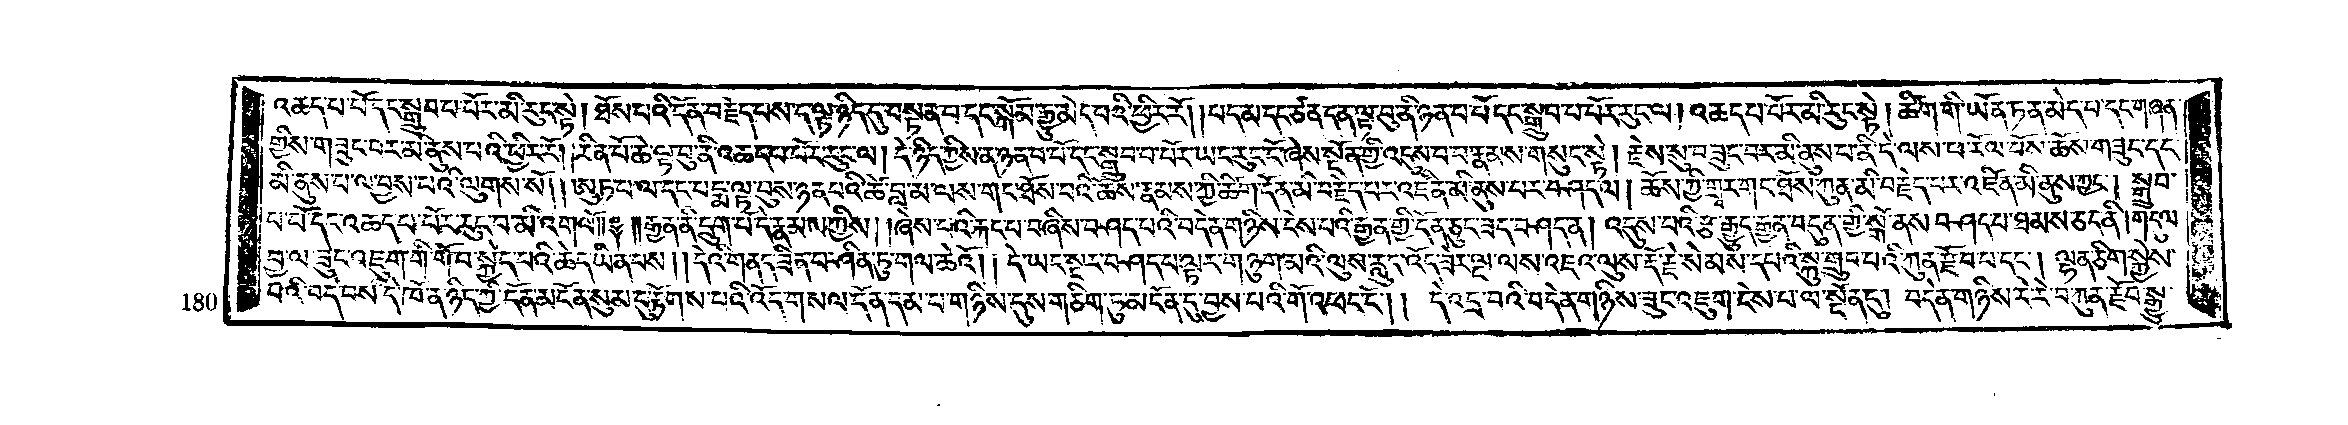འཆད་པ་པོ་དང་སྒྲུབ་པ་པོར་མི་རུང་སྟེ། ཐོས་པའི་དོན་བརྗེད་པས་ད་ལྟ་ཉིད་དུ་བསྟན་པ་དང་སྒོམ་རྒྱུ་མེད་པའི་ཕྱིར་རོ། །པད་མ་དང་ཙན་དན་ལྟ་བུ་ནི་ཉན་པ་པོ་དང་སྒྲུབ་པ་པོར་རུང་ལ། འཆད་པ་པོར་མི་རུང་སྟེ། ཚིག་གི་ཡོན་ཏན་མེད་པ་དང་གཞན་
གྱིས་གཟུང་བར་མི་ནུས་པའི་ཕྱིར་རོ། །རིན་པོ་ཆེ་ལྟ་བུ་ནི་འཆད་པ་པོར་རུང་ལ། དེ་ཉིད་ཀྱིས་ན་ཉན་པ་པོ་དང་སྒྲུབ་པ་པོར་ཡང་རུང་ངོ་ཞེས་སྔོན་གྱི་འདུས་པ་པ་རྣམས་གསུང་སྟེ། རྗེས་སུ་བཟུང་བར་མི་ནུས་པ་ནི་དེ་ལས་ཕ་རོལ་པོས་ཆོས་གཟུང་བར་
མི་ནུས་པ་ལ་བྱས་པའི་ལུགས་སོ། །ཨུཏ་པ་ལ་དང་པདམ་ལྟ་བུས་ཉན་པའི་ཚེ་བླ་མ་ལས་གང་ཐོས་པའི་ཆོས་རྣམས་ཀྱི་ཚིག་དོན་མི་བརྗེད་པར་འཛིན་མི་ནུས་པར་བཤད་ལ། ཆོས་ཀྱི་གྲྭར་གང་ཐོས་ཀུན་མི་བརྗེད་པར་འཛིན་མི་ནུས་ཀྱང་། སྒྲུབ་
པ་པོ་དང་འཆད་པ་པོར་རུང་བ་མི་འགལ་ལོ།། ༈ །།རྒྱན་ནི་དྲུག་པོ་དེ་རྣམས་ཀྱིས། །ཞེས་པའི་རྐང་པ་བཞིས་བཤད་པའི་བདེན་གཉིས་ངེས་པའི་རྒྱན་གྱི་དོན་ཅུང་ཟད་བཤད་ན། འདུས་པའི་རྩ་རྒྱུད་རྒྱན་བདུན་གྱི་སྒོ་ནས་བཤད་པ་ཐམས་ཅད་ནི། གདུལ་
བྱ་ལ་ཟུང་འཇུག་གི་གོ་བ་སྐྱེད་པའི་ཆེད་ཡིན་པས། །དེའི་གནད་ཟིན་པ་ཤིན་ཏུ་གལ་ཆེའོ། །དེ་ཡང་སྔར་བཤད་པ་ལྟར་གཉུག་མའི་ལུས་རླུང་འོད་ཟེར་ལྔ་ལས་འཇའ་ལུས་རྡོ་རྗེ་སེམས་དཔའི་སྐུ་གྲུབ་པའི་ཀུན་རྫོབ་པ་དང་། ལྷན་ཅིག་སྐྱེས་
པའི་བདེ་བས་དེ་ཁོ་ན་ཉིད་ཀྱི་དོན་མངོན་སུམ་དུ་རྟོགས་པའི་འོད་གསལ་དོན་དམ་པ་གཉིས་དུས་གཅིག་ཏུ་མངོན་དུ་བྱས་པའི་གོ་འཕང་ངོ། །དེ་འདྲ་བའི་བདེན་གཉིས་ཟུང་འཇུག་ངེས་པ་ལ་སྔོན་དུ། བདེན་གཉིས་རེ་རེ་བ་ཀུན་རྫོབ་སྒྱུ་